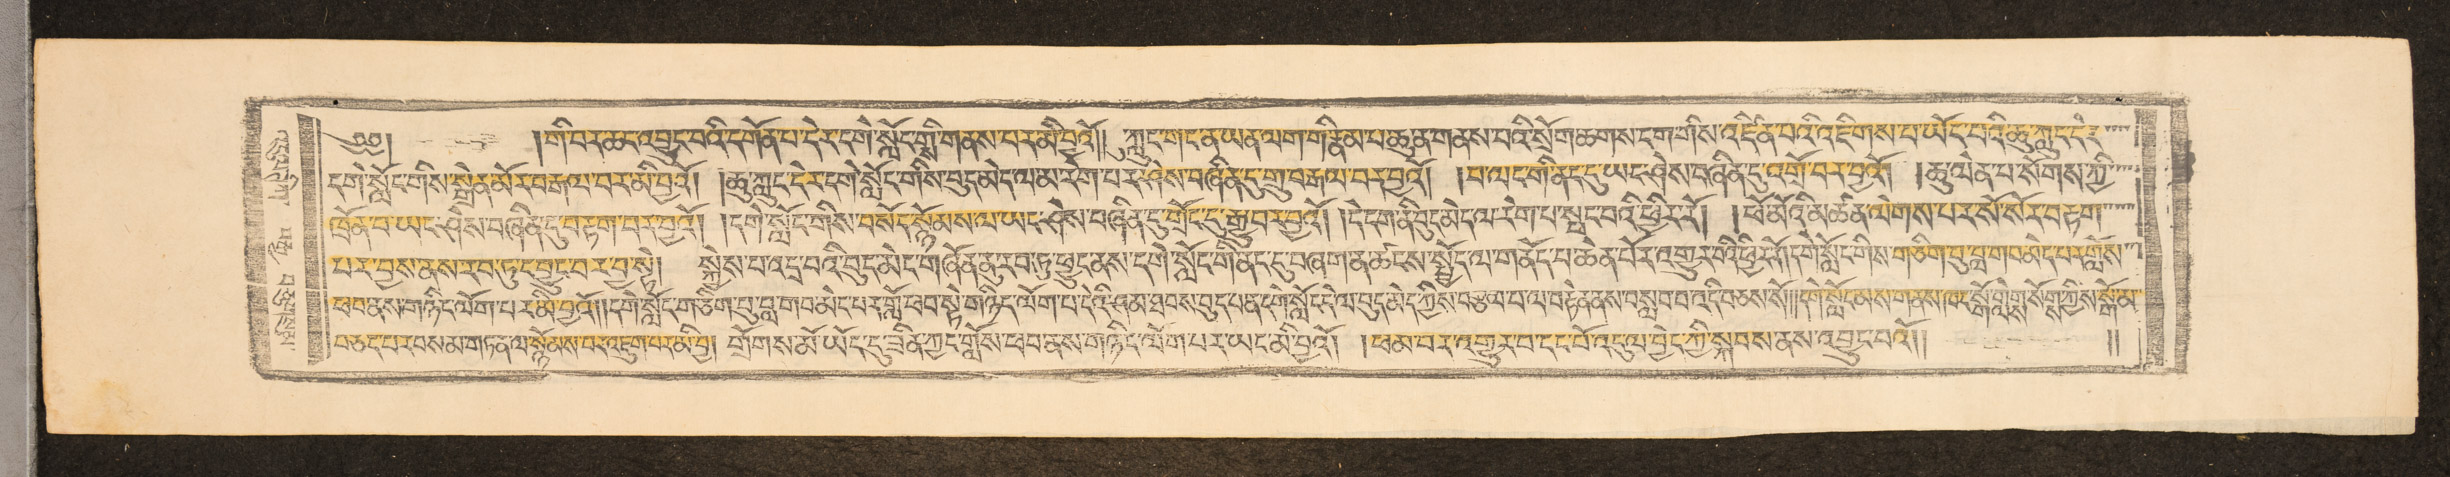༄༅། །གི་བར་ཆད་འབྱུང་བའི་དགོན་པ་དེར་དགེ་སློང་གིས་གནས་པར་མི་བྱའོ། །ཆུ་ཀླུང་གང་ན་ཡན་ལག་གི་རྣམ་པ་ཆུ་ན་གནས་པའི་སྲོག་ཆགས་དག་གིས་འཛིན་པའི་འཇིགས་པ་ཡོད་པའི་ཆུ་ཀླུང་དེར་
དགེ་སློང་གིས་སྒྲེན་མོར་བརྒལ་བར་མི་བྱའོ། །ཆུ་ཀླུང་དེར་དགེ་སློང་གིས་བུད་མེད་ལ་མ་རེག་པར་ཤེས་བཞིན་དུ་གྲུ་བརྒལ་བར་བྱའོ། །བ་ལང་གི་ནང་དུ་ཡང་ཤེས་བཞིན་དུ་འགྲོ་བར་བྱའོ། །ཆུ་ལེན་པ་སོགས་ཀྱི་
ཁྲོན་པ་ཡང་ཤེས་བཞིན་དུ་བརྟག་པར་བྱའོ། །དགེ་སློང་གིས་བསོད་སྙོམས་ལ་ཡང་ཤེས་བཞིན་དུ་གྲོང་དུ་རྒྱུ་བར་བྱའོ། །དེ་དག་ནི་བུད་མེད་ལ་རེག་པ་སྤང་བའི་ཕྱིར་རོ། །ཕོ་མོའི་མཚན་ལེགས་པར་སོ་སོར་བརྟག་
པར་བྱས་ནས་རབ་ཏུ་དབྱུང་བར་བྱ་སྟེ། སྐྱེས་པ་འདྲ་བའི་བུད་མེད་གཞོན་ནུ་རབ་ཏུ་བྱུང་ནས་དགེ་སློང་གི་ནང་དུ་བཞག་ན་ཚངས་སྤྱོད་ལ་གནོད་པ་ཆེན་པོར་འགྱུར་བའི་ཕྱིར་རོ། དགེ་སློང་གིས་གཅིག་པུ་བླ་གབ་མེད་པར་གློས་
བབ་ནས་གཉིད་ལོག་པར་མི་བྱའོ། །དགེ་སློང་གཅིག་པུ་བླ་གབ་མེད་པར་གློ་ཕབ་སྟེ་གཉིད་ལོག་པ་དེའི་ཤམ་ཐབས་བུད་པ་ན་དགེ་སློང་དེ་ལ་བུད་མེད་ཀྱིས་བརྩལ་བ་ལ་བརྟེན་ནས་བསླབ་པ་འདི་བཅས་སོ། །དགེ་སློང་མས་གནས་ཁང་སྒོ་གླེགས་སོགས་ཀྱིས་སྒོམ་
བཅད་པར་བསམ་གཏན་ལ་སྙོམས་པར་འཇུག་པར་མི་བྱ། གྲོགས་མོ་ཡོད་དུ་ཟིན་ཀྱང་བློས་ཕབ་ནས་གཉིད་ལོག་པར་ཡང་མི་བྱའོ། །ཕམ་པར་འགྱུར་བ་ངང་པོ་འབུལ་བྱེད་ཀྱི་སྐབས་ནས་འབྱུང་བའོ།། །།